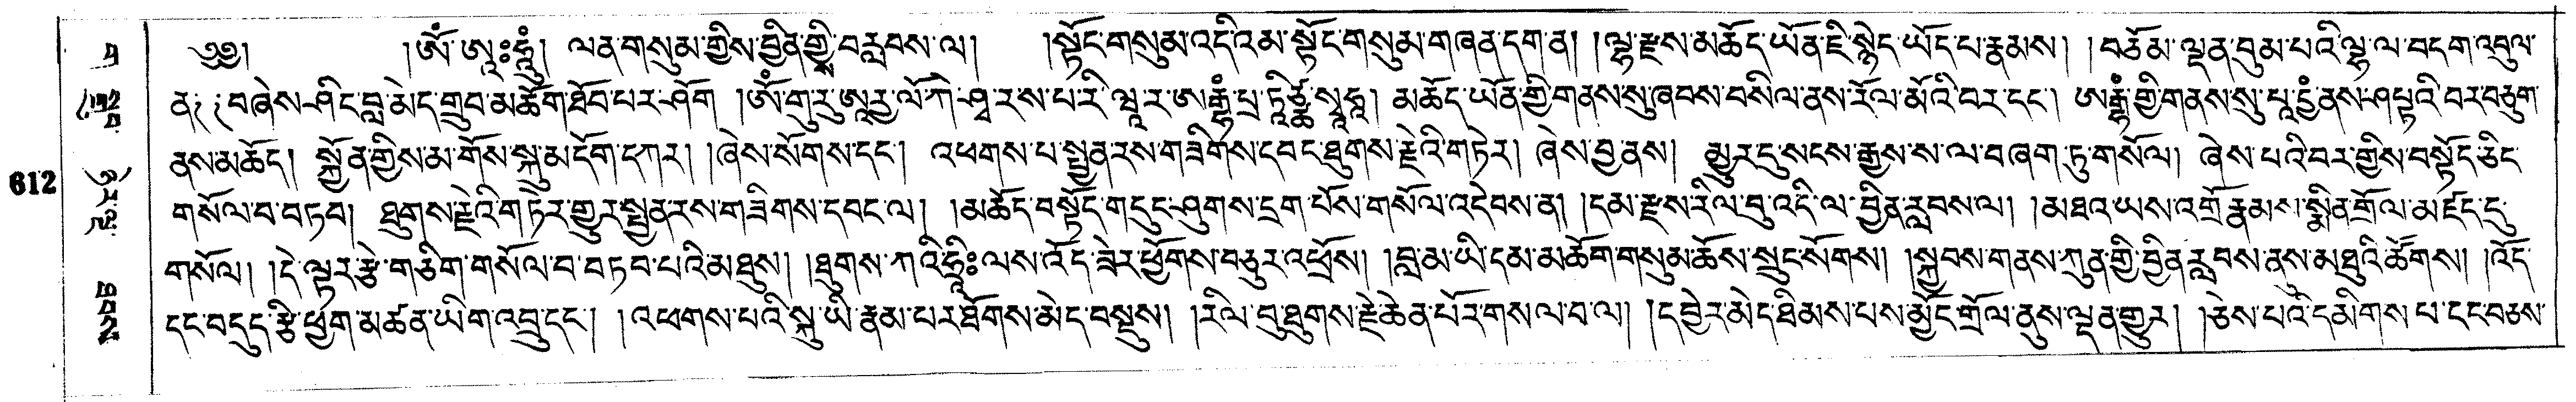༄༅། །ཨོཾ་ཨཱཿ ཧཱུཾ། ལན་གསུམ་གྱིས་བྱིན་གྱིས་བརླབས་ལ། །སྟོང་གསུམ་འདི་འམ་སྟོང་གསུམ་གཞན་དག་ན། །ལྷ་རྫས་མཆོད་ཡོན་ཇི་སྙེད་ཡོད་པ་རྣམས། །བཅོམ་ལྡན་བུམ་པའི་ལྷ་ལ་བདག་འབུལ་
ན༑ ༑བཞེས་ཤིང་བླ་མེད་གྲུབ་མཆོག་ཐོབ་པར་ཤོག །ཨོཾ་གུ་རུ་ཨཱརྱ་ལོ་ཀེ་ཤྭ་ར་ས་པ་རི་ཝཱ་ར་ཨརགྷཾ་པྲ་ཏཱིཙྪ་སྭཱཧཱ། མཆོད་ཡོན་གྱི་གནས་སུ་ཞབས་བསིལ་ནས་རོལ་མོའི་བར་དང་། ཨརྒྷཾ་གྱི་གནས་སུ་པཱ་དྱཾ་ནས་ཤཔྟའི་བར་བཅུག་
ནས་མཆོད། སྐྱོན་གྱིས་མ་གོས་སྐུ་མདོག་དཀར། །ཞེས་སོགས་དང་། འཕགས་པ་སྤྱན་རས་གཟིགས་དབང་ཐུགས་རྗེའི་གཏེར། ཞེས་བྱ་ནས། མྱུར་དུ་སངས་རྒྱས་ས་ལ་བཞག་ཏུ་གསོལ། ཞེས་པའི་བར་གྱིས་བསྟོད་ཅིང་
གསོལ་བ་བཏབ། ཐུགས་རྗེའི་གཏེར་གྱུར་སྤྱན་རས་གཟིགས་དབང་ལ། །མཆོད་བསྟོད་གདུང་ཤུགས་དྲག་པོས་གསོལ་འདེབས་ན། །དམ་རྫས་རིལ་བུ་འདི་ལ་བྱིན་རླབས་ལ། །མཐའ་ཡས་འགྲོ་རྣམས་སྨིན་གྲོལ་མཛད་དུ་
གསོལ། །དེ་ལྟར་རྩེ་གཅིག་གསོལ་བ་བཏབ་པའི་མཐུས། །ཐུགས་ཀའི་ཧྲཱིཿ ལས་འོད་ཟེར་ཕྱོགས་བཅུར་འཕྲོས། །བླ་མ་ཡི་དམ་མཆོག་གསུམ་ཆོས་སྲུང་སོགས། །སྐྱབས་གནས་ཀུན་གྱི་བྱིན་རླབས་ནུས་མཐུའི་ཚོགས། །འོད་
དང་བདུད་རྩི་ཕྱག་མཚན་ཡིག་འབྲུ་དང་། །འཕགས་པའི་སྐུ་ཡི་རྣམ་པར་ཐོགས་མེད་བསྡུས། །རིལ་བུ་ཐུགས་རྗེ་ཆེན་པོར་གསལ་བ་ལ། །དབྱེར་མེད་ཐིམས་པས་མྱོང་གྲོལ་ནུས་ལྡན་གྱུར། །ཅེས་པའི་དམིགས་པ་དང་བཅས་